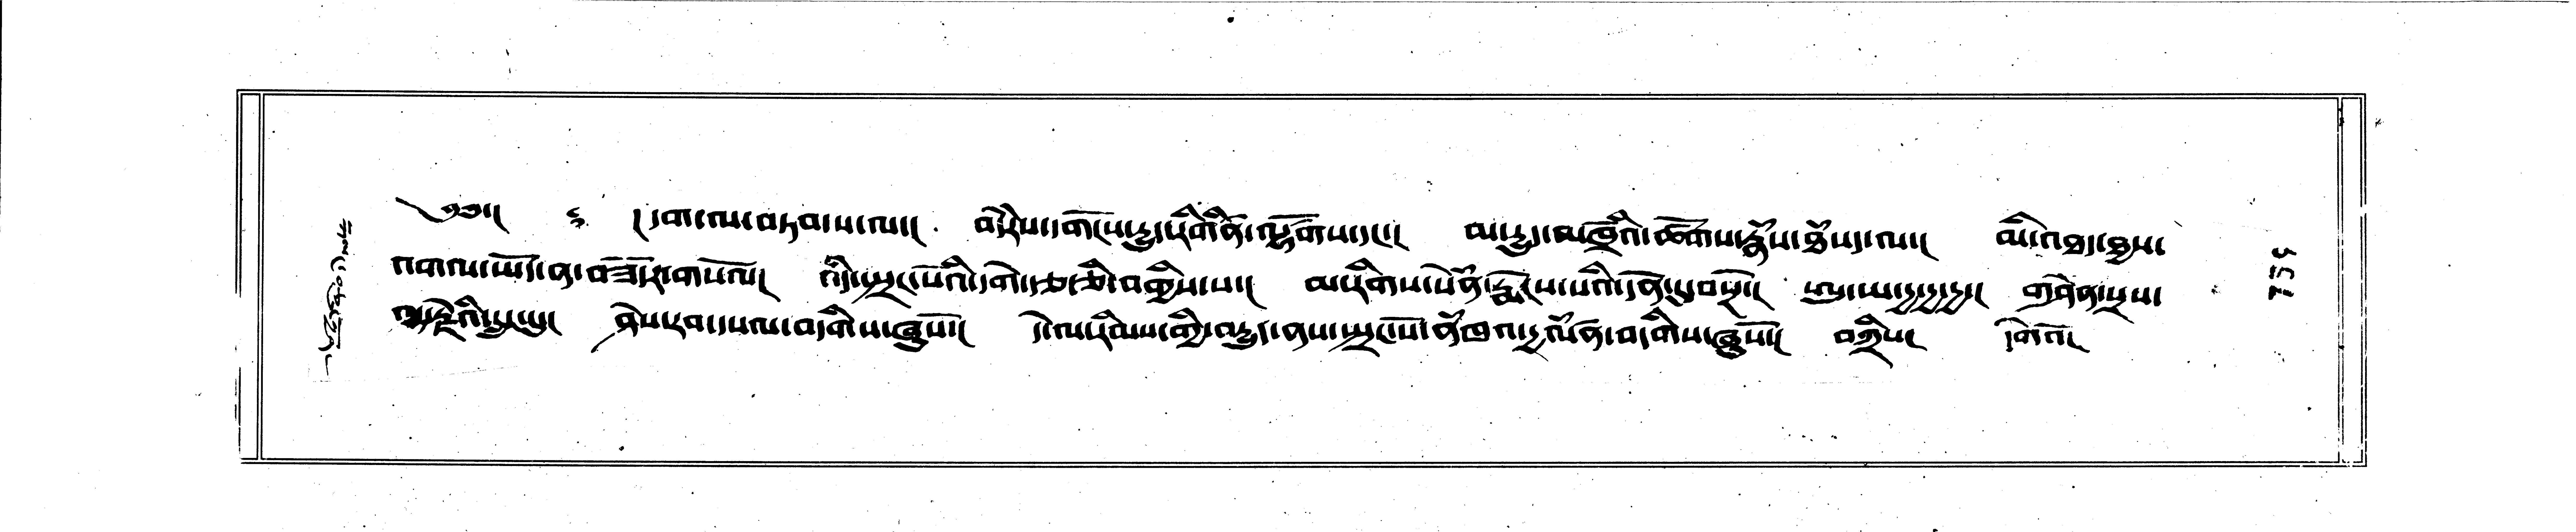དག་ལ་བཏབ་པ་ལ། །བདེར་གཤེགས་དགོངས་རྒྱུད་རིགས་འཛིན་ལྷ་ཚོགས་དང་། །མ་རྒྱུད་མཁའ་འགྲོའི་ཚོགས་རྣམས་ཐམས་ཅད་ལ། །མི་འཐད་ཐུགས་
འགལ་ཡོད་ན་བཟོད་པར་གསོལ། །འདི་སྤྲང་པོས་དགེ་རྩ་ཅི་བགྱིས་པ། །མ་རིག་སེམས་ཅན་རྨོངས་པའི་དོན་དུ་བསྔོ།། །།ཨུ་ཡ། རྒྱ་རྒྱ་རྒྱ་། གཤེན་སྲས་
ལྷ་རྗེའི་དྲུང་དུ། ཤེས་རབ་དཔལ་བདག་གིས་ཞུས་སོ། །དེ་ལ་རིམ་གྱིས་བརྒྱུད་ནས་སྤྲང་པོ་ནམ་མཁའ་རྒྱལ་མཚན་བདག་གིས་ཞུས་སོ།། །།བཀྲ་ཤིས། དགེའོ།།